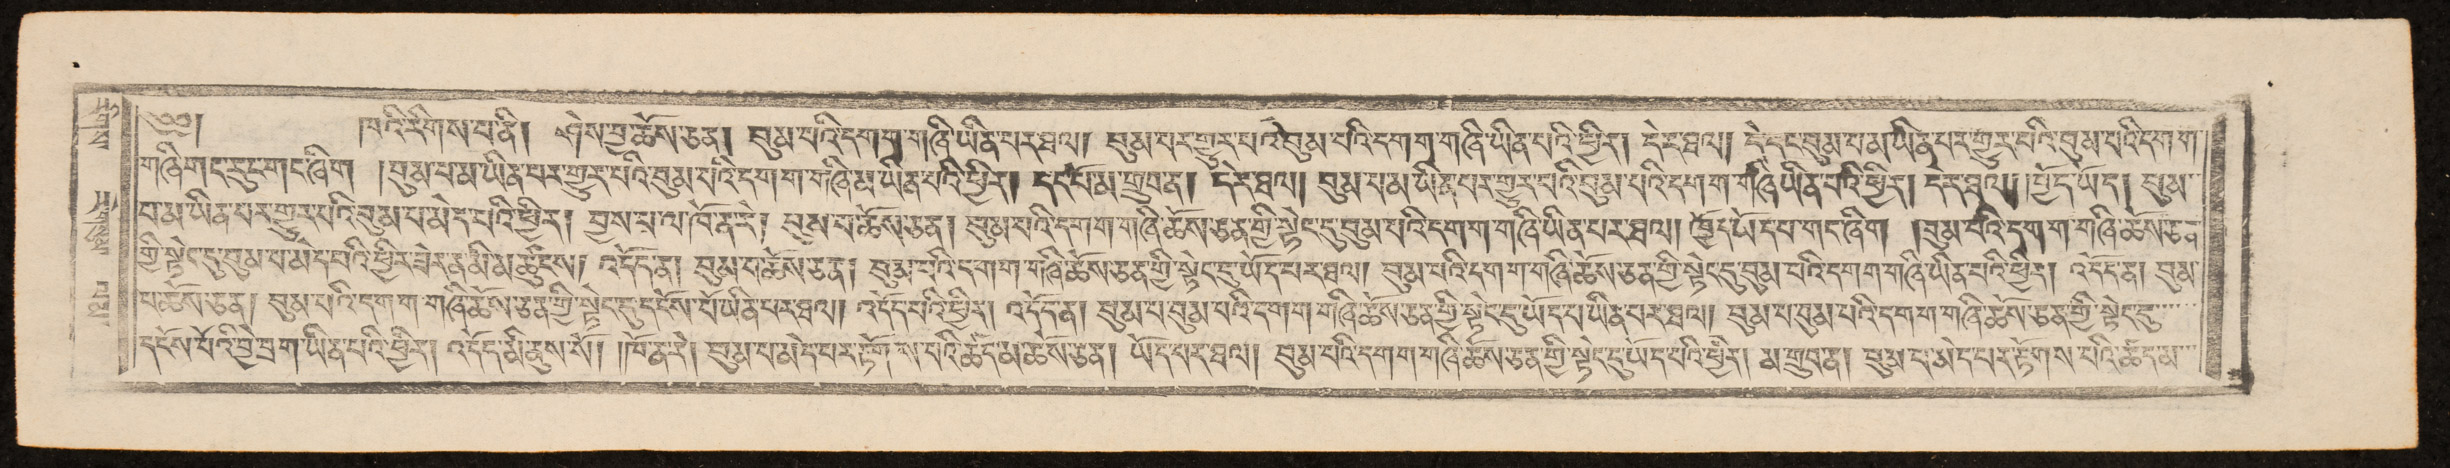༄༅། །བའི་རིགས་པ་ནི། ཤེས་བྱ་ཆོས་ཅན། བུམ་པའི་དགག་གཞི་ཡིན་པར་ཐལ། བུམ་པར་གྱུར་པའི་བུམ་པའི་དགག་གཞི་ཡིན་པའི་ཕྱིར། དེར་ཐལ། དེ་དང་བུམ་པ་མ་ཡིན་པར་འགྱུར་པའི་བུམ་པའི་དགག་
གཞི་གང་རུང་གང་ཞིག །བུམ་པ་མ་ཡིན་པར་གྱུར་པའི་བུམ་པའི་དགག་གཞི་མ་ཡིན་པའི་ཕྱིར། དང་པོ་མ་གྲུབ་ན། དེར་ཐལ། བུམ་པ་མ་ཡིན་པར་གྱུར་པའི་བུམ་པའི་དགག་གཞི་ཡིན་པའི་ཕྱིར། དེར་ཐལ། ཁྱོད་ཡོད། བུམ་
པ་མ་ཡིན་པར་གྱུར་པའི་བུམ་པ་མེད་པའི་ཕྱིར། བྱས་པ་ལ་ཁོ་ན་རེ། བུམ་པ་ཆོས་ཅན། བུམ་པའི་དགག་གཞི་ཆོས་ཅན་གྱི་སྟེང་དུ་བུམ་པའི་དགག་གཞི་ཡིན་པར་ཐལ། ཁྱོད་ཡོད་པ་གང་ཞིག །བུམ་པའི་དགག་གཞི་ཆོས་ཅན་
གྱི་སྟེང་དུ་བུམ་པ་མེད་པའི་ཕྱིར་ཟེར་ན་མི་མཚུངས། འདོད་ན། བུམ་པ་ཆོས་ཅན། བུམ་པའི་དགག་གཞི་ཆོས་ཅན་གྱི་སྟེང་དུ་ཡོད་པར་ཐལ། བུམ་པའི་དགག་གཞི་ཆོས་ཅན་གྱི་སྟེང་དུ་བུམ་པའི་དགག་གཞི་ཡིན་པའི་ཕྱིར། འདོད་ན། བུམ་
པ་ཆོས་ཅན། བུམ་པའི་དགག་གཞི་ཆོས་ཅན་གྱི་སྟེང་དུ་དངོས་པོ་ཡིན་པར་ཐལ། འདོད་པའི་ཕྱིར། འདོད་ན། བུམ་པ་བུམ་པའི་དགག་གཞི་ཆོས་ཅན་གྱི་སྟེང་དུ་ཡོད་པ་ཡིན་པར་ཐལ། བུམ་པ་བུམ་པའི་དགག་གཞི་ཆོས་ཅན་གྱི་སྟེང་དུ་
དངོས་པོའི་བྱེ་བྲག་ཡིན་པའི་ཕྱིར། འདོད་མི་ནུས་སོ། །ཁོ་ན་རེ། བུམ་པ་མེད་པར་རྟོགས་པའི་ཚད་མ་ཆོས་ཅན། ཡོད་པར་ཐལ། བུམ་པའི་དགག་གཞི་ཆོས་ཅན་གྱི་སྟེང་དུ་ཡོད་པའི་ཕྱིར། མ་གྲུབ་ན། བུམ་པ་མེད་པར་རྟོགས་པའི་ཚད་མ་